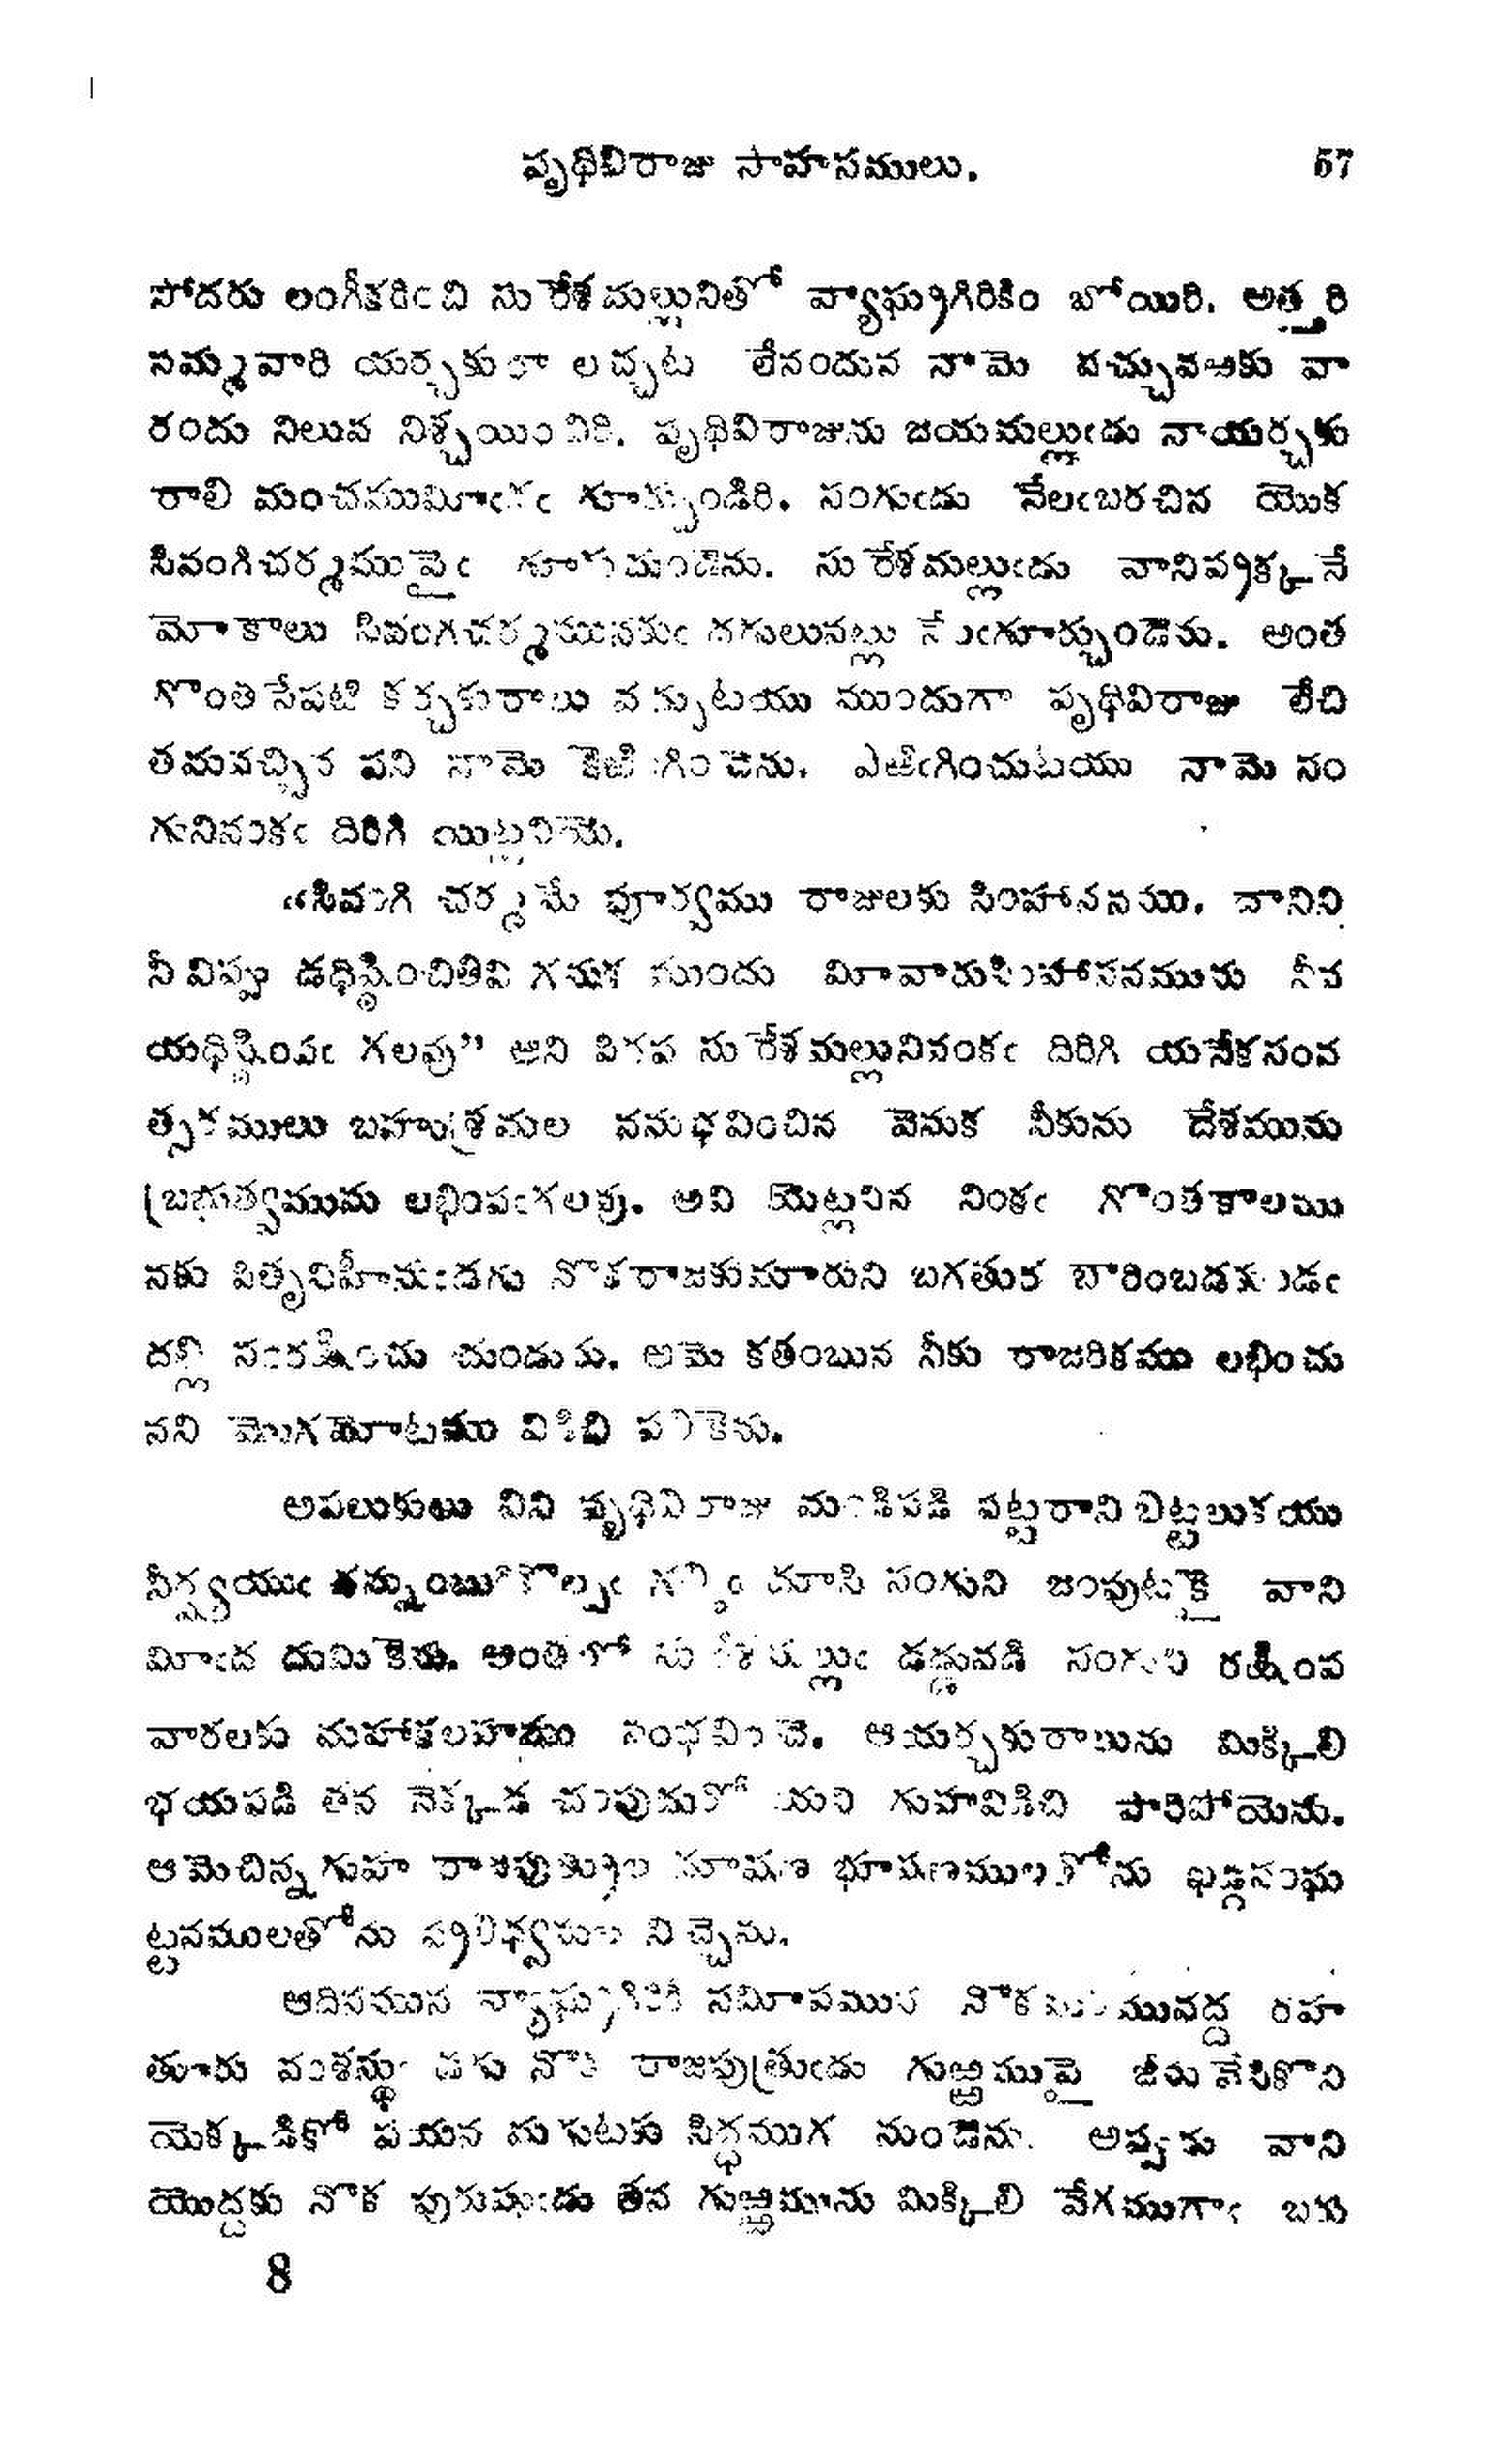సోదరు లంగీకరించి సురేశ మల్లునితో వ్యాఘ్రగిరికిం బోయిరి. అత్తరి నమ్మవారి యర్చకురా లచ్చట లేనందున నామె వచ్చువఱకు వారందు నిలువ నిశ్చయించిరి. పృథివిరాజును జయమల్లుఁడు నాయర్చకురాలి మంచముమీఁదఁ గూర్చుండిరి. సంగుఁడు 'నేలఁబరచిన యొక సివంగిచర్మము పైఁ గూరుచుండెను. సురేశమల్లుఁడు వానిప్రక్కనే మోకాలు సివంగిచర్మమునకుఁ దగులునట్లు నేలఁ గూర్చుండెను. అంత గొంతసేపటి కర్చకురాలు వచ్చుటయు ముందుగా పృథివిరాజు లేచి తమవచ్చిన పని నామె కెఱింగించెను. ఎఱిఁగించుటయు నామె సంగునివంకఁ దిరిగి యిట్లనియె.

"సివంగి చర్మమే పూర్వము రాజులకు సింహాననము. దానిని నీ విప్పు డధిష్ఠించితివి గనుక ముందు మీవారుసింహాసనమును నీవ
యధిష్టింపఁ గలవు " అని పిదప సురేశమల్లునివంకఁ దిరిగి యనేక సంవత్సకములు బహుశ్రమల ననుభవించిన వెనుక నీకును దేశమును
బ్రభుత్వముమ లభింపఁగలవు. అవి యెట్లనిన నింకఁ గొంతకాలమునకు పితృవిహీనుండగు నొక రాజకుమారుని బగతుక బారింబడకుండఁ
దల్లి సంరక్షించు చుండును. ఆమె కతంబున నీకు రాజరికము లభించునని మోగ మాటము విడిచి పలికెను.

అపలుకులు నిని పృధివిరాజు మండిపడి పట్టరాని బిట్టలుకయు నీర్ఘ్యయుఁ తన్నుంబురికొల్పం గత్తిం దూసి సంగుని జంపుటకై వాని
మీఁద దుమికెలు. అంతలో సురేశమల్లుఁ డడ్డువడి సంగుని రక్షింప వారలకు మహాకలహము సంభవించే. ఆయర్చకురాలును మిక్కిలి
భయపడి తన నెక్కడ చుంపుదురో యని గుహవిడిచి పారిపోయెను. ఆమె చిన్న గుహ రాజపుత్రుల దూషణ భూషణములతోను ఖద్గసంఘ
ట్టనములతోను ప్రతిద్వనుల నిచ్చెను.

అదినమున వ్యాఘ్రగిరికి సమీపమున నొక మఠమువద్ద రహతురు వంశస్థుఁ డగు నొక రాజపుత్రుఁడు గుఱ్ఱముపై జీను వేసికొని యెక్కడికో పయన ముగుటకు సిద్ధముగ నుండెను. అప్పుడు వాని యొద్దకు నొక పురుషుడు తన గుఱ్ఱమును మిక్కిలి వేగముగాఁ బరు